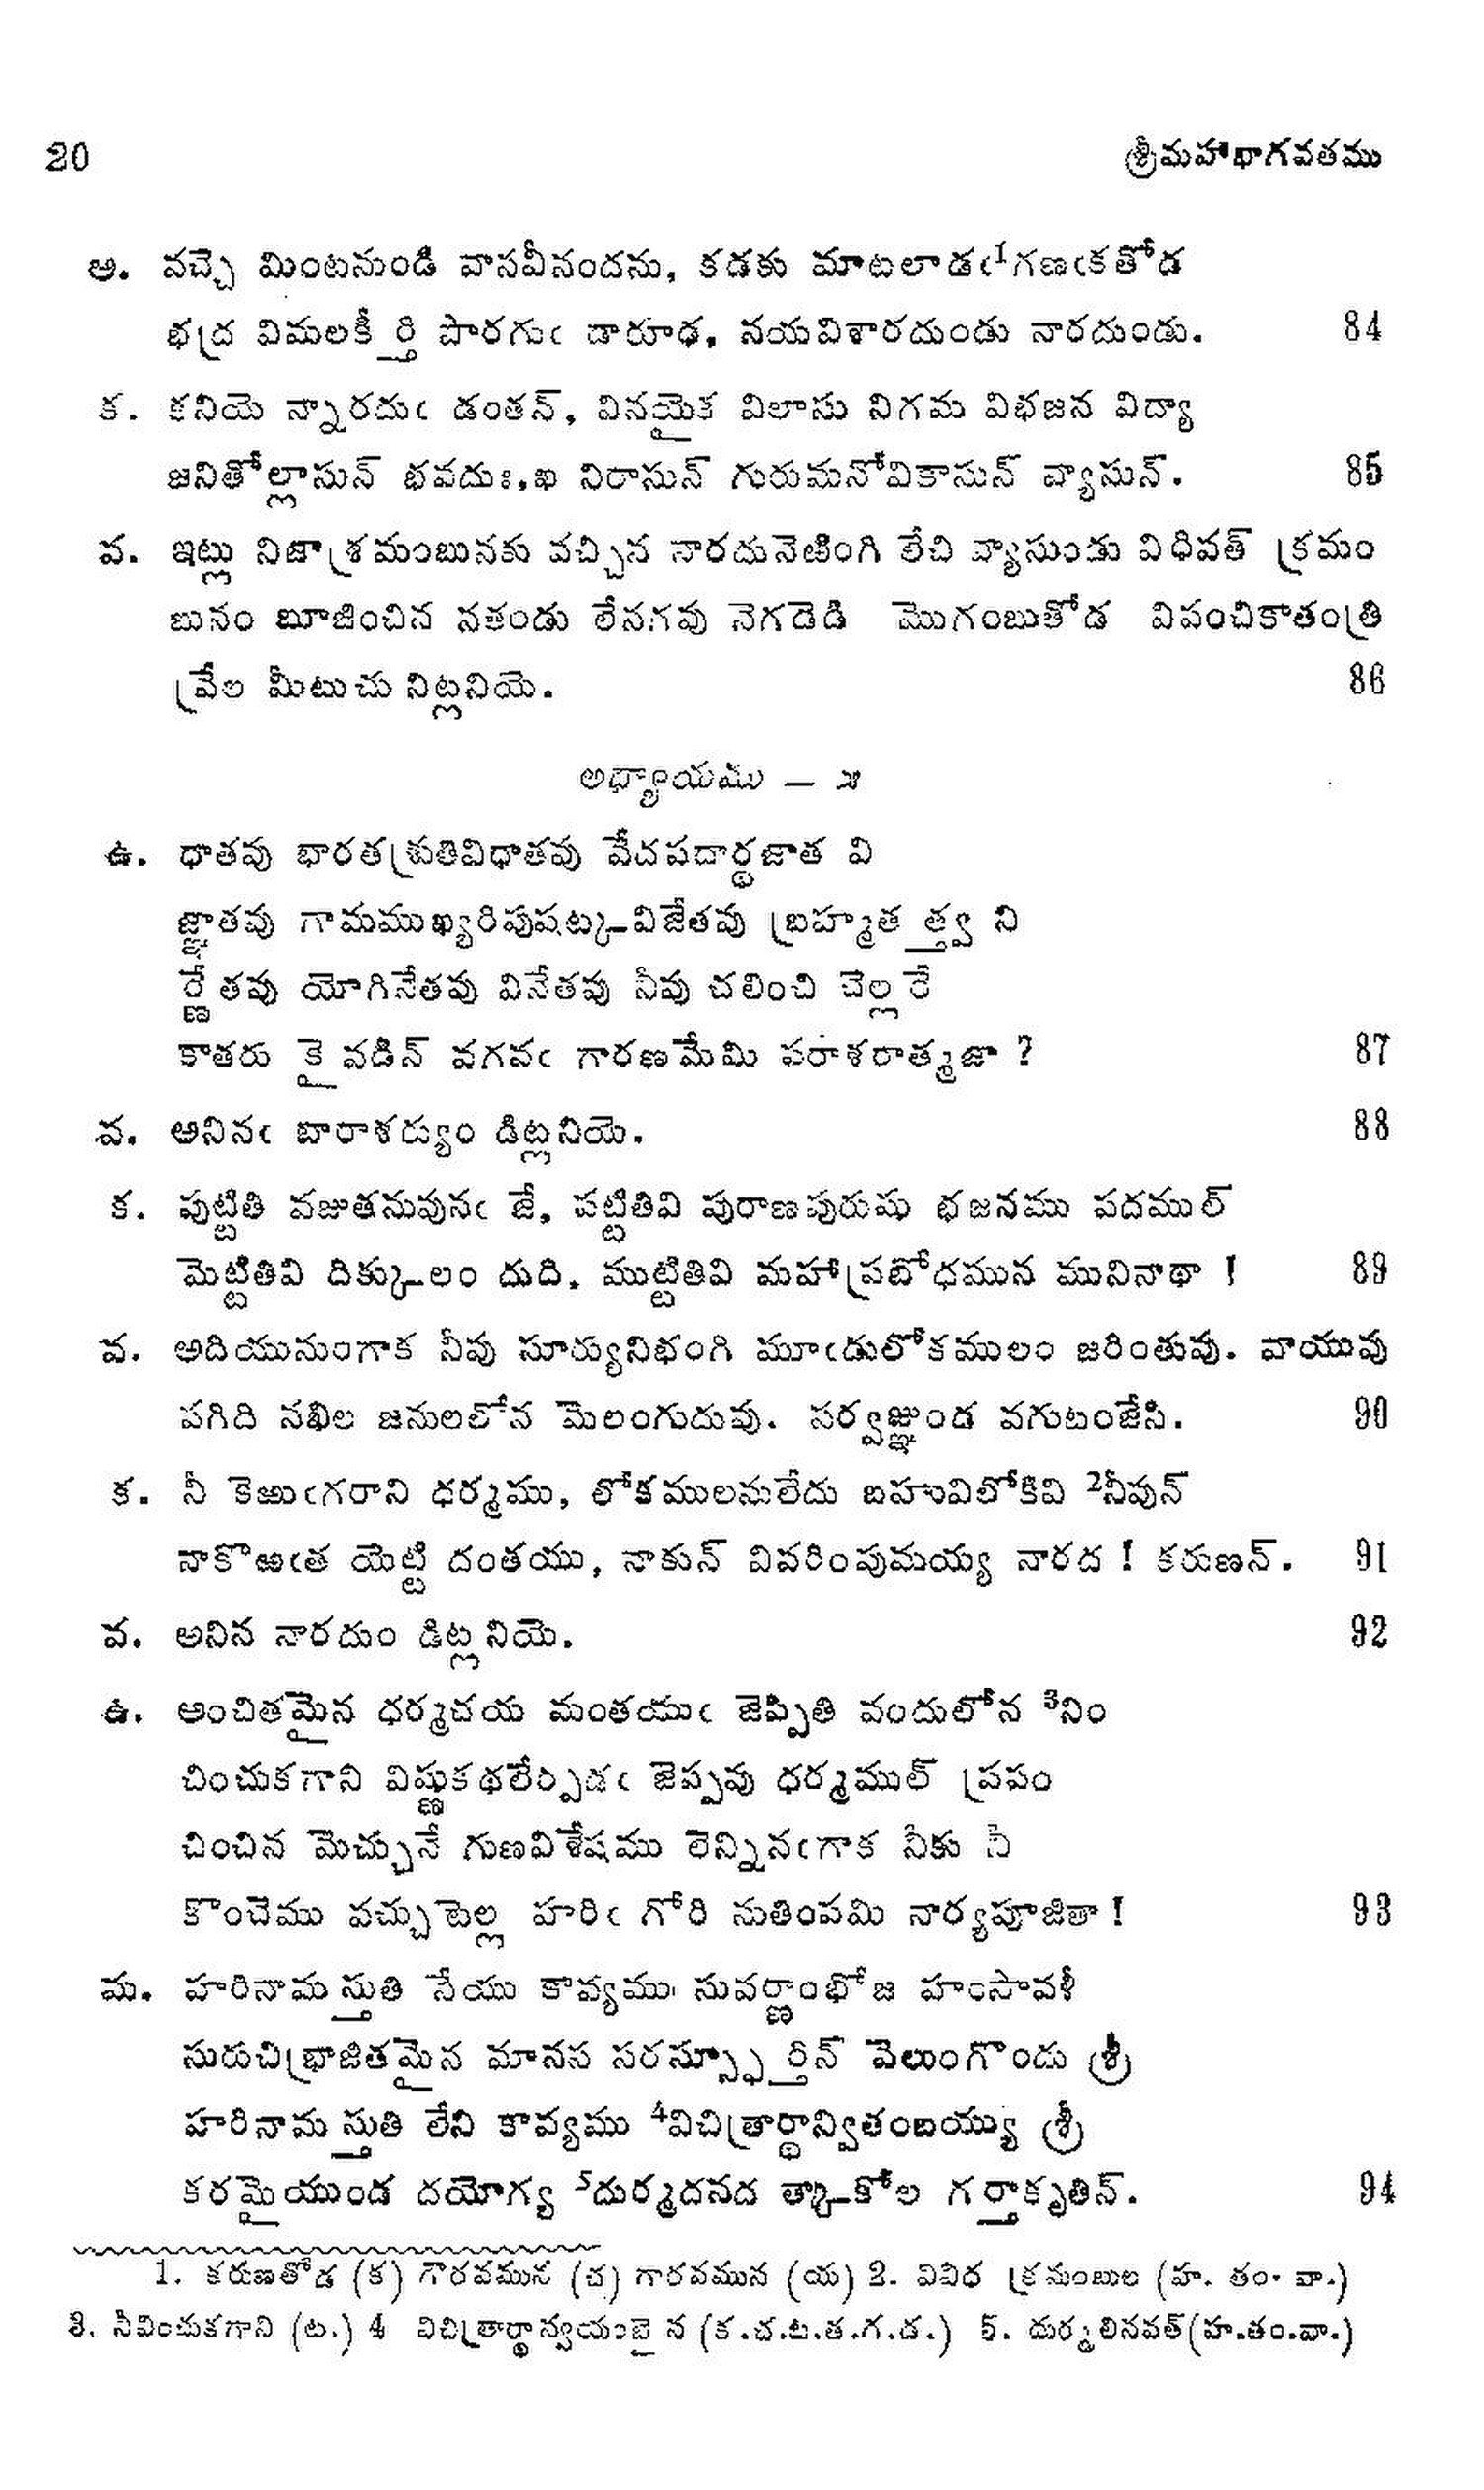20

ఆ.వె. వచ్చె మింట నుండి వాసవీనందను, కడకు మాటలాడఁ గడఁక తోడ

భద్ర విమలకీర్తిపారగుఁ డారూఢ, నయ విశారదుండు నారదుండు. (1-84)

కం. కనియె న్నారదుఁ డంతన్, వినయైక విలాసు నిగమ విభజన విద్యా

జనితోల్లాసున్ భవదు:ఖ నిరాసు గురుమనోవికాసున్ వ్యాసున్. (1-85)

వ. ఇట్లు నిజాశ్రమంబునకు వచ్చిన నారదు నెఱింగి లేచి వ్యాసుండు విధివత్‌క్రమంబునం బూజించిన నతండు లేనగవు నెగడెడి మొగంబు తోడ విపంచికాతంత్రి వ్రేల మీటుచు నిట్లనియె. (1-86)

ఉ. ధాతవు భారత శ్రుతి విధాతవు వేద పరార్థ జాత వి

జ్ఞాతవు కామముఖ్య రిపుషట్క విజేతవు బ్రహ్మతత్త్వ ని

ర్ణేతవు యోగినేతవు వినేతవు నీవు చలించి చెల్లరే !

కాతరు కైవడిన్ వగవఁ గారణమేమి పరాశరాత్మజా ! (1-87)

వ. అనినఁ బారాశర్యుం డిట్లనియె. (1-88)

కం. పుట్టితి వజు తనువునఁ జే, పట్టితివి పురాణపురుషు భజనము పదముల్

మెట్టితివి దిక్కులం దుది, ముట్టితివి మహాప్రబోధమున మునినాథా !

వ. అదియునుం గాక నీవు సూర్యుని భంగి మూఁడు లోకములం జరింతువు. వాయువు పగిది నఖిల జనులలోన మెలంగుదువు.సర్వజ్ఞుండ వగుటం జేసి,

కం. నీ కెఱుఁగరాని ధర్మము, లోకములను లేదు బహువిలోకివి నీవున్

నా కొఱఁత యెట్టిదంతయు, నాకున్ వివరింపుమయ్య నారద ! కరుణన్. (1-91)

వ. అనిన నారదుం డిట్లనియె. (1-92)

ఉ. అంచితమైన ధర్మచయమంతయుఁ జెప్పితి వందులోన నిం

చించుక గాని విష్ణుకథ లేర్పడఁ జెప్పవు ధర్మముల్ ప్రపం

చించిన మెచ్చునే గుణ విశేషము లెన్నినఁ గాక నీకు నీ

కొంచెము వచ్చుటెల్ల హరిఁ గోరి నుతింపమి నార్యపూజితా ! (1-93)

మ. హరినామస్తుతి సేయు కావ్యము సువర్ణాంభోజ హంసావళీ

సురుచి భ్రాజితమైన మానస సరస్ స్ఫూర్తిన్ వెలుంగొందు శ్రీ

హరినామ స్తుతి లేని కావ్యము విచిత్రార్థాన్వితంబయ్యు శ్రీ

కరమై యుండ దయోగ్య దుర్మద నదత్ కాకోల గర్తాకృతిన్. (1-94)